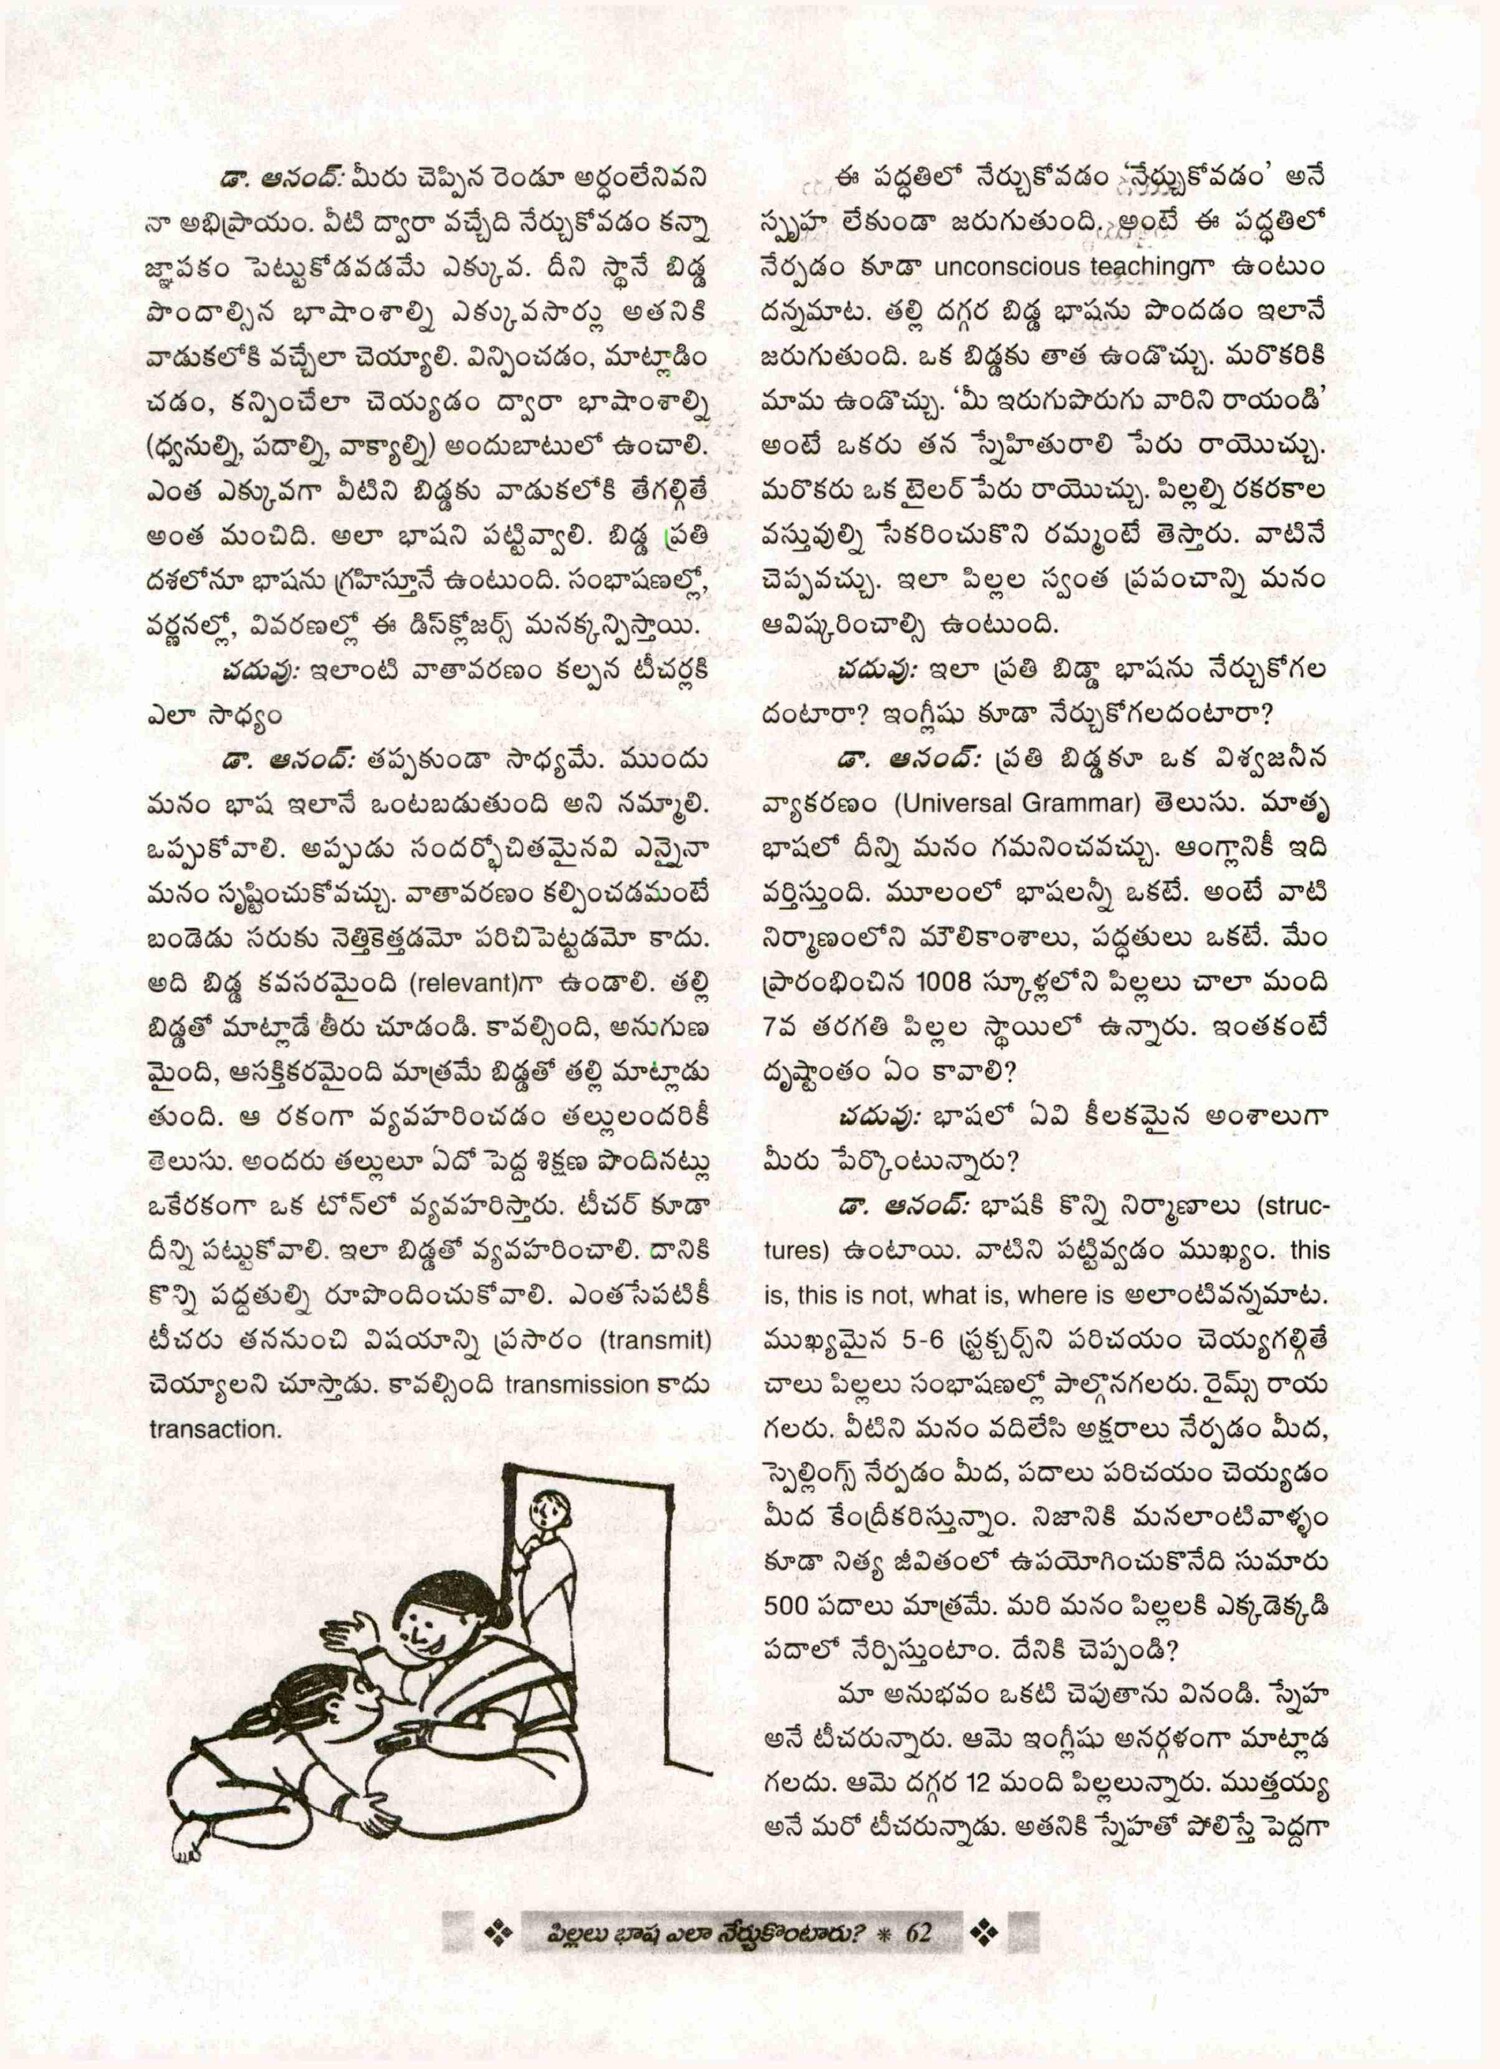డా. ఆనంద్: మీరు చెప్పిన రెండూ అర్ధంలేనివని నా అభిప్రాయం. వీటి ద్వారా వచ్చేది నేర్చుకోవడం కన్నా జ్ఞాపకం పెట్టుకోవడమే ఎక్కువ. దీని స్థానే బిడ్డ పొందాల్సిన భాషాంశాల్ని ఎక్కువసార్లు అతనికి వాడుకలోకి వచ్చేలా చెయ్యాలి. విన్పించడం, మాట్లాడించడం, కన్పించేలా చెయ్యడం ద్వారా భాషాంశాల్ని (ధ్వనుల్ని, పదాల్ని, వాక్యాల్ని) అందుబాటులో ఉంచాలి. ఎంత ఎక్కువగా వీటిని బిడ్డకు వాడుకలోకి తేగల్గితే అంత మంచిది. అలా భాషని పట్టివ్వాలి. బిడ్డ ప్రతి దశలోనూ భాషను గ్రహిస్తూనే ఉంటుంది. సంభాషణల్లో, వర్ణనల్లో, వివరణల్లో ఈ డిస్‌క్లోజర్స్ మనక్కన్పిస్తాయి.

చదువు: ఇలాంటి వాతావరణం కల్పన టీచర్లకి ఎలా సాధ్యం

డా. ఆనంద్: తప్పకుండా సాధ్యమే. ముందు మనం భాష ఇలానే ఒంటబడుతుంది అని నమ్మాలి. ఒప్పుకోవాలి. అప్పుడు సందర్భోచితమైనవి ఎన్నైనా మనం సృష్టించుకోవచ్చు. వాతావరణం కల్పించడమంటే బండెడు సరుకు నెత్తికెత్తడమో పరిచిపెట్టడమో కాదు. అది బిడ్డ కవసరమైంది (relevant)గా ఉండాలి. తల్లి బిడ్డతో మాట్లాడే తీరు చూడండి. కావల్సింది, అనుగుణమైంది, ఆసక్తికరమైంది మాత్రమే బిడ్డతో తల్లి మాట్లాడుతుంది. ఆ రకంగా వ్యవహరించడం తల్లులందరికీ తెలుసు. అందరు తల్లులూ ఏదో పెద్ద శిక్షణ పొందినట్లు ఒకేరకంగా ఒక టోన్‌లో వ్యవహరిస్తారు. టీచర్ కూడా దీన్ని పట్టుకోవాలి. ఇలా బిడ్డతో వ్యవహరించాలి. దానికి కొన్ని పద్ధతుల్ని రూపొందించుకోవాలి. ఎంత సేపటికీ టీచరు తననుంచి విషయాన్ని ప్రసారం (transmit) చెయ్యాలని చూస్తాడు. కావల్సింది transmission కాదు transaction.

ఈ పద్ధతిలో నేర్చుకోవడం 'నేర్చుకోవడం' అనే స్పృహ లేకుండా జరుగుతుంది. అంటే ఈ పద్ధతిలో నేర్పడం కూడా unconscious teachingగా ఉంటుందన్నమాట. తల్లి దగ్గర బిడ్డ భాషను పొందడం ఇలానే జరుగుతుంది. ఒక బిడ్డకు తాత ఉండొచ్చు. మరొకరికి మామ ఉండొచ్చు. ‘మీ ఇరుగుపొరుగు వారిని రాయండి' అంటే ఒకరు తన స్నేహితురాలి పేరు రాయొచ్చు. మరొకరు ఒక టైలర్ పేరు రాయొచ్చు. పిల్లల్ని రకరకాల వస్తువుల్ని సేకరించుకొని రమ్మంటే తెస్తారు. వాటినే చెప్పవచ్చు. ఇలా పిల్లల స్వంత ప్రపంచాన్ని మనం ఆవిష్కరించాల్సి ఉంటుంది.

చదువు: ఇలా ప్రతి బిడ్డా భాషను నేర్చుకోగలదంటారా? ఇంగ్లీషు కూడా నేర్చుకోగలదంటారా?

డా. ఆనంద్: ప్రతి బిడ్డకూ ఒక విశ్వజనీన వ్యాకరణం (Universal Grammar) తెలుసు. మాతృభాషలో దీన్ని మనం గమనించవచ్చు. ఆంగ్లానికీ ఇది వర్తిస్తుంది. మూలంలో భాషలన్నీ ఒకటే. అంటే వాటి నిర్మాణంలోని మౌలికాంశాలు, పద్ధతులు ఒకటే. మేం ప్రారంభించిన 1008 స్కూళ్లలోని పిల్లలు చాలా మంది 7వ తరగతి పిల్లల స్థాయిలో ఉన్నారు. ఇంతకంటే దృష్టాంతం ఏం కావాలి?

చదువు: భాషలో ఏవి కీలకమైన అంశాలుగా మీరు పేర్కొంటున్నారు?

డా. ఆనంద్: భాషకి కొన్ని నిర్మాణాలు (structures) ఉంటాయి. వాటిని పట్టివ్వడం ముఖ్యం. this is, this is not, what is, where is అలాంటివన్నమాట. ముఖ్యమైన 5-6 స్ట్రక్చర్స్‌ని పరిచయం చెయ్యగల్గితే చాలు పిల్లలు సంభాషణల్లో పాల్గొనగలరు. రైమ్స్ రాయగలరు. వీటిని మనం వదిలేసి అక్షరాలు నేర్పడం మీద, స్పెల్లింగ్స్ నేర్పడం మీద, పదాలు పరిచయం చెయ్యడం మీద కేంద్రీకరిస్తున్నాం. నిజానికి మనలాంటివాళ్ళం కూడా నిత్య జీవితంలో ఉపయోగించుకొనేది సుమారు 500 పదాలు మాత్రమే. మరి మనం పిల్లలకి ఎక్కడెక్కడి పదాలో నేర్పిస్తుంటాం. దేనికి చెప్పండి?

మా అనుభవం ఒకటి చెపుతాను వినండి. స్నేహ అనే టీచరున్నారు. ఆమె ఇంగ్లీషు అనర్గళంగా మాట్లాడ గలదు. ఆమె దగ్గర 12 మంది పిల్లలున్నారు. ముత్తయ్య అనే మరో టీచరున్నాడు. అతనికి స్నేహతో పోలిస్తే పెద్దగా